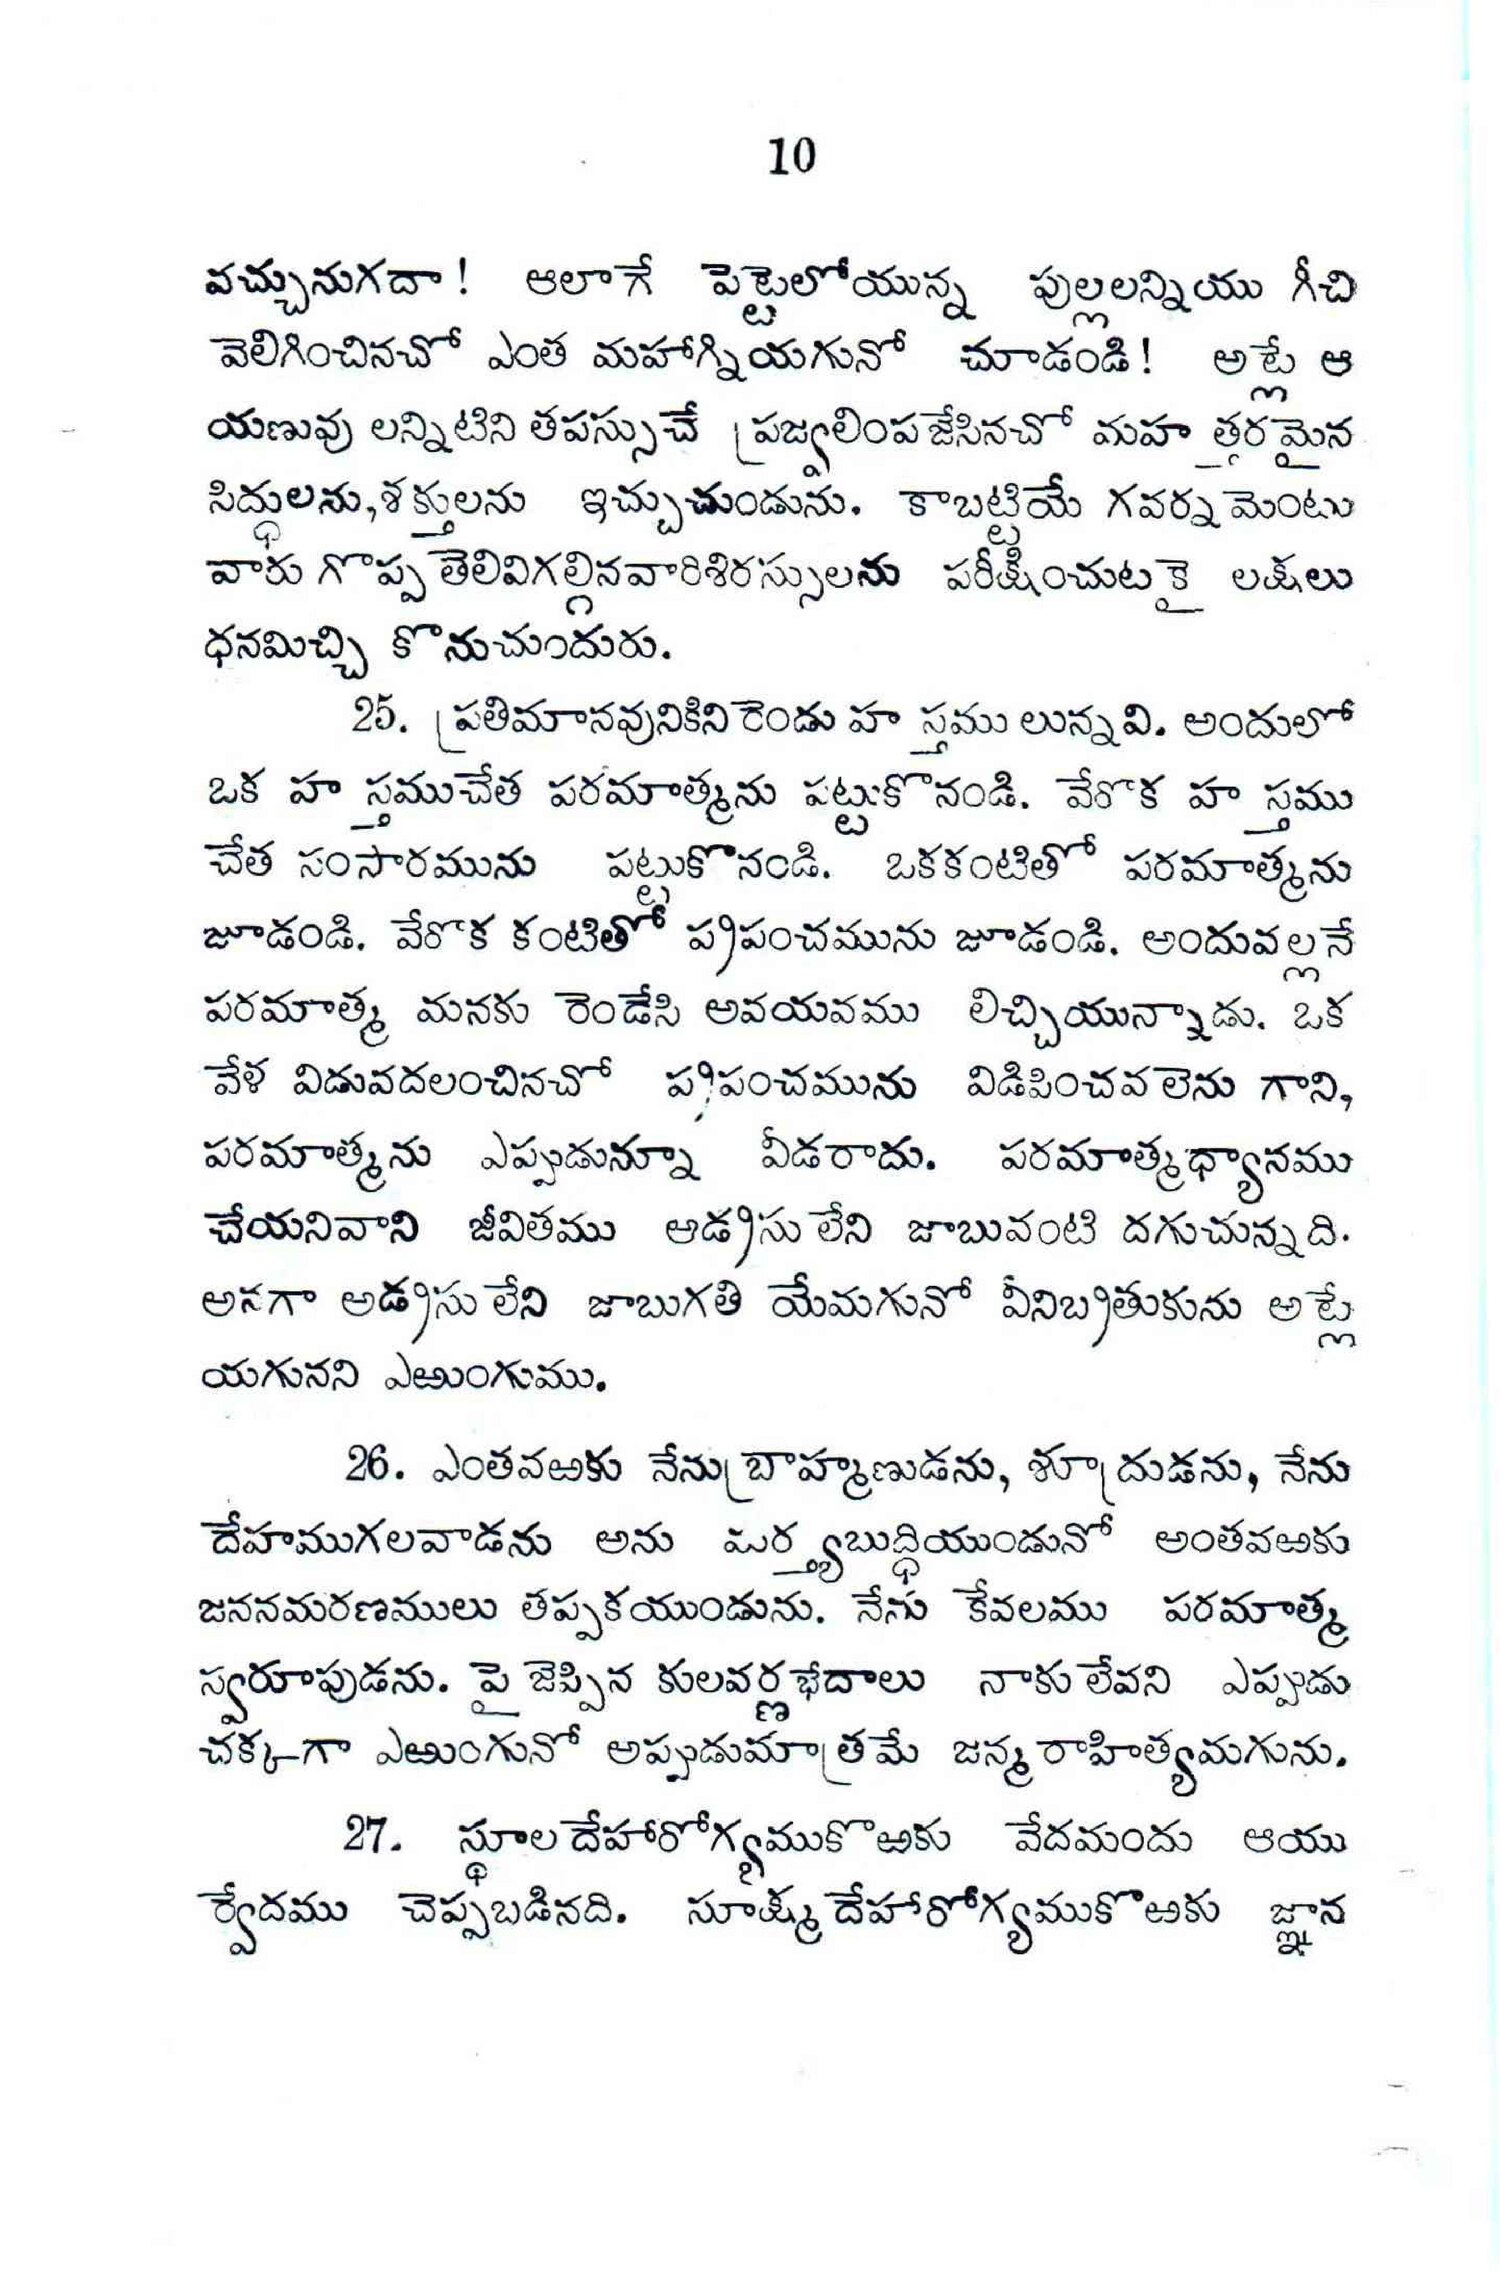వచ్చునుగదా! అలాగే పెట్టెలోయున్న పుల్లలన్నియు గీచి వెలిగించినచో ఎంత మహాగ్నియగునో చూడండి! అట్లే ఆ యణువు లన్నిటిని తపస్సుచే ప్రజ్వలింపజేసినచో మహత్తరమైన సిద్దులను, శక్తులను ఇచ్చుచుండును. కాబట్టియే గవర్నమెంటు వారు గొప్ప తెలివిగల్గిన వారి శిరస్సులను పరీక్షించుటకై లక్షలు ధనమిచ్చి కొనుచుందురు.

25. ప్రతిమానవునికిని రెండు హస్తము లున్నవి. అందులో ఒక హస్తముచేత పరమాత్మను పట్టుకొనండి. వేరొక హస్తము చేత సంసారమును పట్టుకొనండి. ఒక కంటితో పరమాత్మను జూడండి. వేరొక కంటితో ప్రపంచమును జూడండి. అందువల్లనే పరమాత్మ మనకు రెండేసి అవయవము లిచ్చియున్నాడు. ఒక వేళ విడువదలంచినచో ప్రపంచమును విడిపించవలెను గాని, పరమాత్మను ఎప్పుడున్నూ వీడరాదు. పరమాత్మ ధ్యానము చేయనివాని జీవితము అడ్రసు లేని జాబువంటి దగుచున్నది. అనగా అడ్రసు లేని జాబుగతి యేమగునో వీని బ్రతుకును అట్లే యగునని ఎఱుంగుము.

26. ఎంతవఱకు నేను బ్రాహ్మణుడను, శూద్రుడను, నేను దేహముగలవాడను అను మర్త్యబుద్ధియుండునో అంతవఱకు జననమరణములు తప్పకయుండును. నేను కేవలము పరమాత్మ స్వరూపుడను. పై జెప్పిన కులవర్ణ భేదాలు నాకు లేవని ఎప్పుడు చక్కగా ఎఱుంగునో అప్పుడుమాత్రమే జన్మరాహిత్యమగును.

27. స్థూలదేహారోగ్యముకొఱకు వేదమందు ఆయుర్వేదము చెప్పబడినది. సూక్ష్మదేహారోగ్యము కొఱకు జ్ఞాన